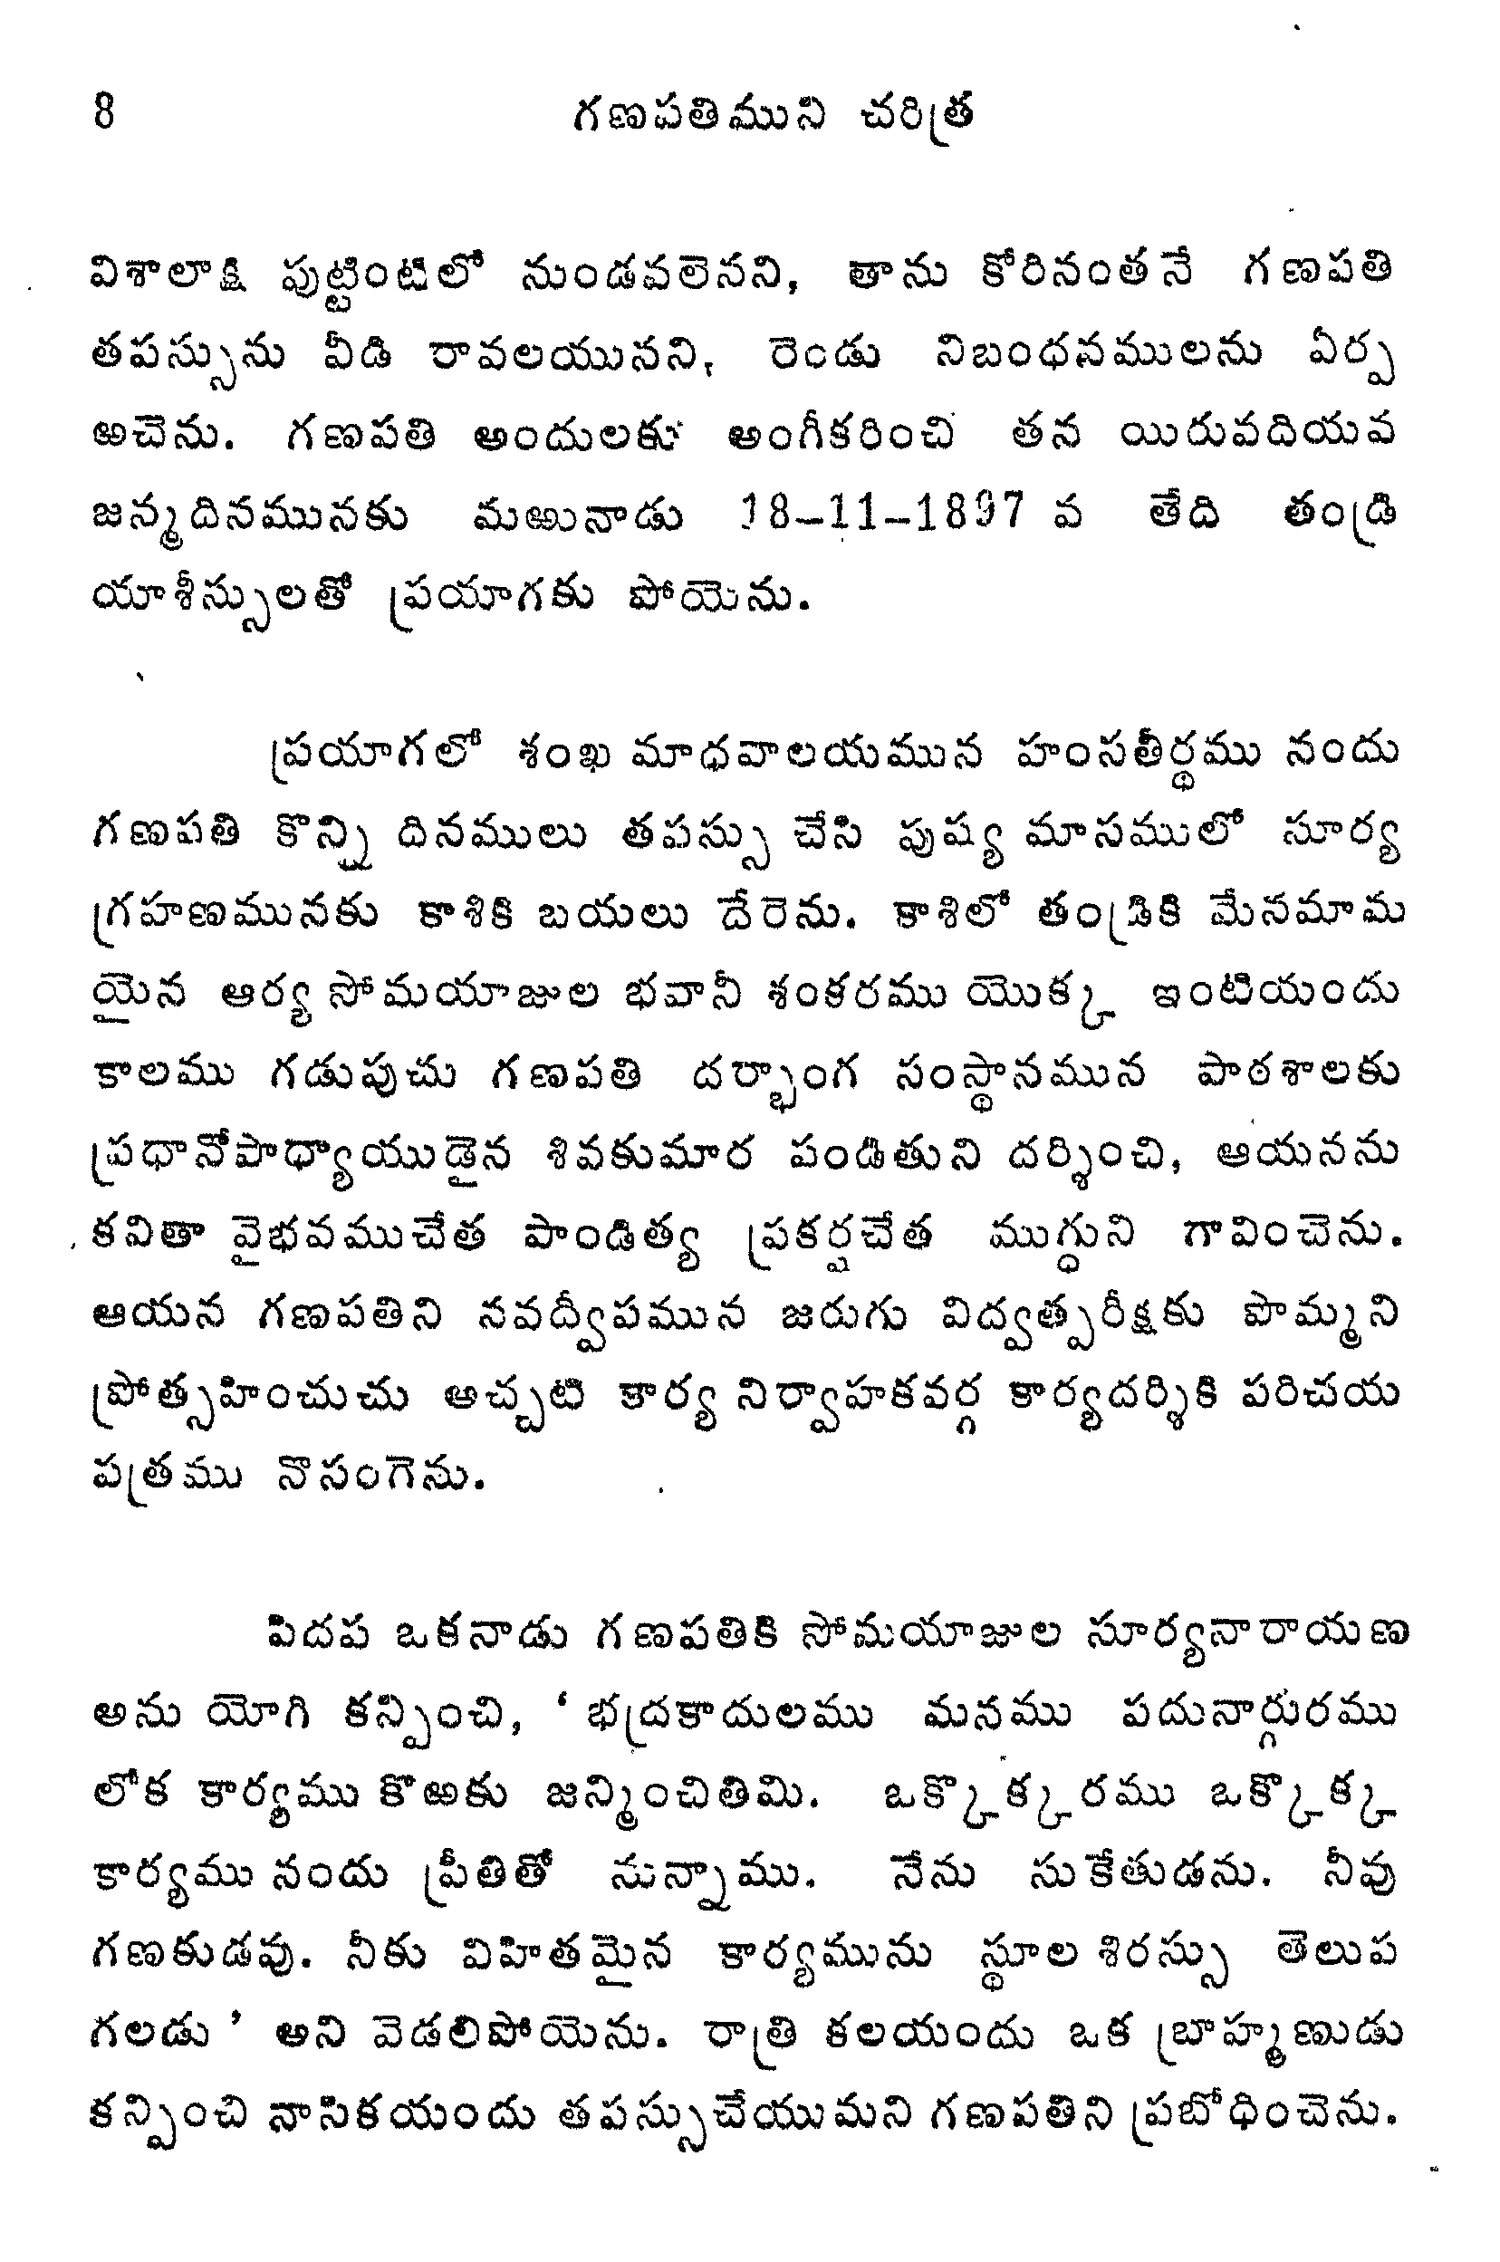విశాలాక్షి పుట్టింటిలో నుండవలెనని, తాను కోరినంతనే గణపతి తపస్సును వీడి రావలయునని, రెండు నిబంధనములను ఏర్పఱచెను. గణపతి అందులకు అంగీకరించి తన యిరువదియవ జన్మదినమునకు మఱునాడు 18-11-1897 వ తేది తండ్రి యాశీస్సులతో ప్రయాగకు పోయెను.

ప్రయాగలో శంఖ మాధవాలయమున హంసతీర్థము నందు గణపతి కొన్ని దినములు తపస్సుచేసి పుష్య మాసములో సూర్య గ్రహణమునకు కాశికి బయలు దేరెను. కాశిలో తండ్రికి మేనమామయైన ఆర్య సోమయాజుల భవానీ శంకరము యొక్క ఇంటియందు కాలము గడుపుచు గణపతి దర్భాంగ సంస్థానమున పాఠశాలకు ప్రధానోపాధ్యాయుడైన శివకుమార పండితుని దర్శించి, ఆయనను కవితా వైభవముచేత పాండిత్య ప్రకర్షచేత ముగ్ధుని గావించెను. ఆయన గణపతిని నవద్వీపమున జరుగు విద్వత్పరీక్షకు పొమ్మని ప్రోత్సహించుచు అచ్చటి కార్య నిర్వాహకవర్గ కార్యదర్శికి పరిచయ పత్రము నొసంగెను.

పిదప ఒకనాడు గణపతికి సోమయాజుల సూర్యనారాయణ అను యోగి కన్పించి, 'భద్రకాదులము మనము పదునార్గురము లోక కార్యము కొఱకు జన్మించితిమి. ఒక్కొక్కరము ఒక్కొక్క కార్యము నందు ప్రీతితో నున్నాము. నేను సుకేతుడను. నీవు గణకుడవు. నీకు విహితమైన కార్యమును స్థూల శిరస్సు తెలుపగలడు' అని వెడలిపోయెను. రాత్రి కలయందు ఒక బ్రాహ్మణుడు కన్పించి నాసికయందు తపస్సు చేయుమని గణపతిని ప్రబోధించెను.